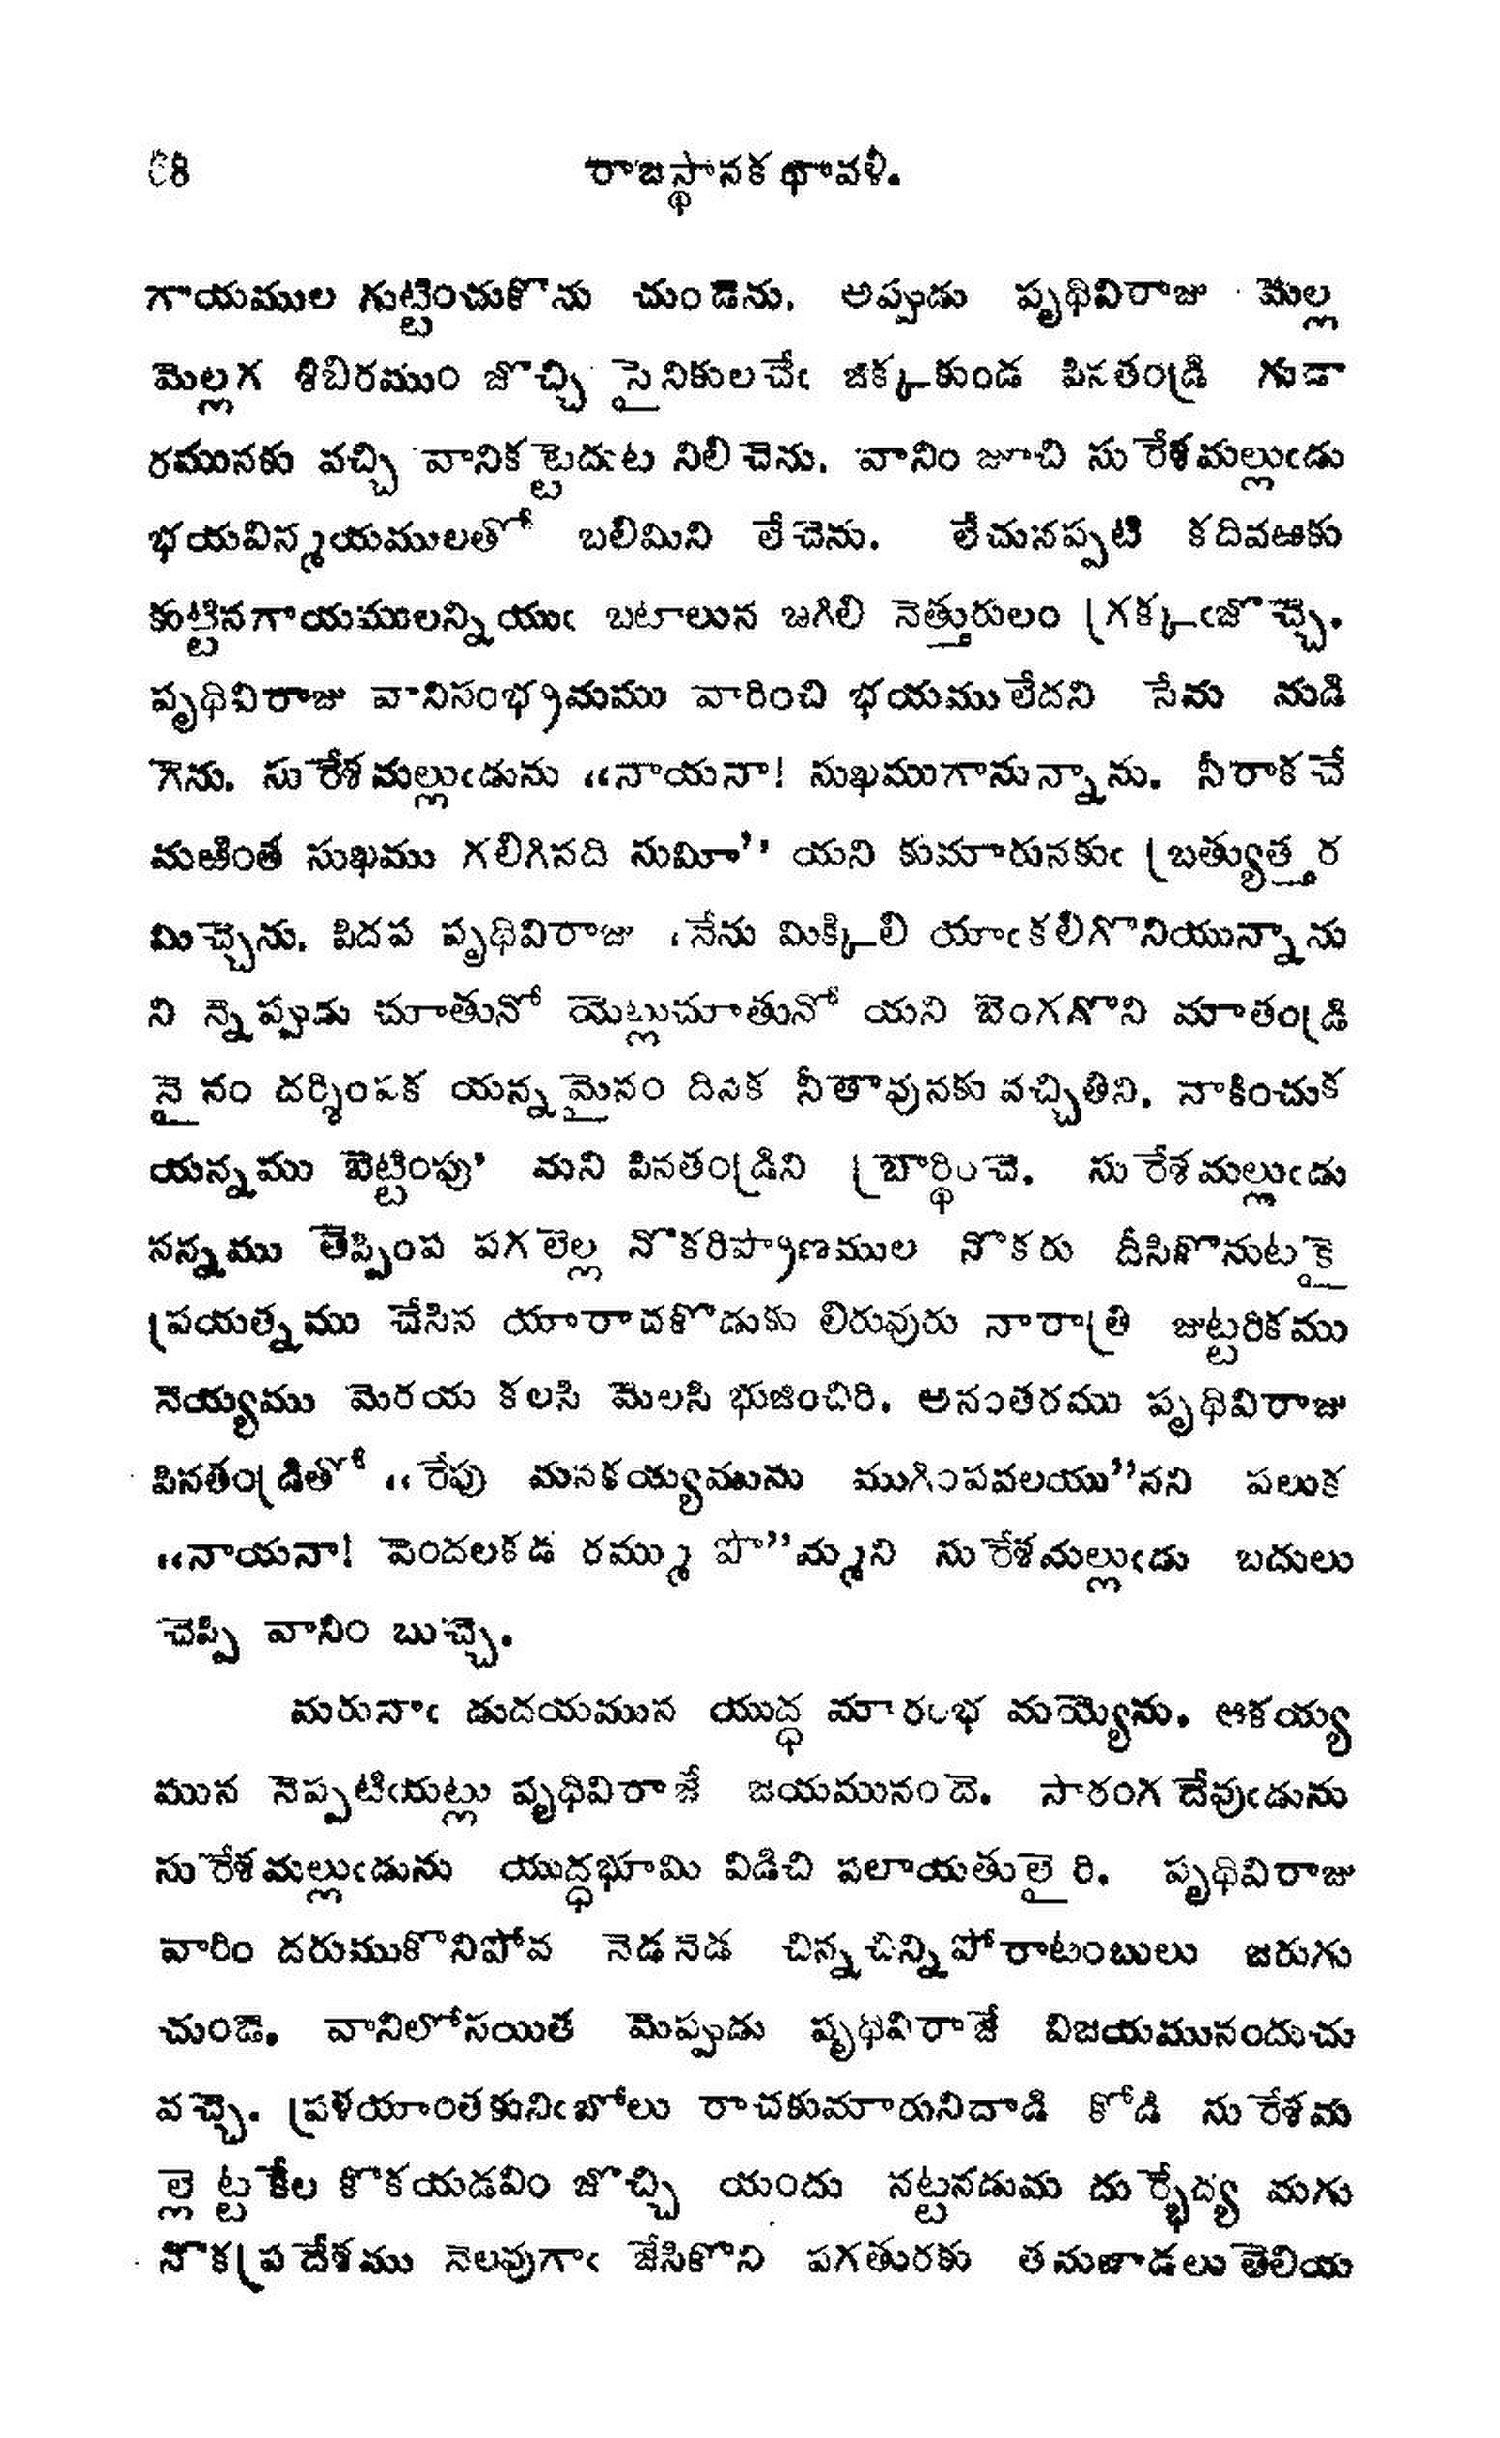గాయముల గుట్టించుకొను చుండెను. అప్పుడు పృథివిరాజు మెల్లమెల్లగ శిబిరముం జొచ్చి సైనికులచేఁ జిక్క కుండ పినతండ్రి గుడా
రమునకు వచ్చి వానిక ట్టెదుట నిలిచెను. 'వానిం జూచి సురేశమల్లుఁడు భయవిస్మయములతో బలిమిని లేచెను. లేచునప్పటి కదివఱకు
కుట్టిన గాయములన్నియుఁ బటాలున బగిలి నెత్తురులం గ్రక్కఁజొచ్చె. పృథీవీరాజు వానిసంబ్రమము వారించి భయము లేదని సేమ మడి
గెను. సురేశమల్లుఁడును "నాయనా! సుఖముగానున్నాను. నీరాకచే మఱింత సుఖము గలిగినది సుమీ" యని కుమారునకుఁ బ్రత్యుత్తర
మిచ్చెను. పిదప పృథివిరాజు నేను మిక్కిలి యాఁకలిగొనియున్నాను నిన్నెప్పుడు చూతునో యెట్లుచూతునో యని బెంగగొని మాతండ్రి
నైనం దర్శింపక యన్నమైనం దినక నీతావునకు వచ్చితిని, నాకించుక యన్నము బెట్టింపు' మని పినతండ్రిని బ్రార్థించె. సురేశమల్లుఁడు
నన్నము తెప్పింప పగలెల్ల నొకరిప్రాణముల నొకరు దీసికొనుటకై ప్రయత్నము చేసిన యారాచకొడుకు లిరువురు నారాత్రి జుట్టరికము
నెయ్యము మెరయ కలసి మెలసి భుజించిరి. అనంతరము పృథివిరాజు పినతండ్రితో , "రేపు మనకయ్యమును ముగింపవలయు" నని పలుక
“నాయనా! పెందలకడ రమ్ము పొ” మ్మని సురేశమల్లుఁడు బదులు చెప్పి వానిం బుచ్చె.

మరునాఁ డుదయమున యుద్ధ మారంభ మయ్యెను. ఆకయ్యమున నెప్పటిఁయట్లు పృధివిరాజే జయమునందె. సారంగ దేవుఁడును
సురేశ మల్లుఁడును యుద్ధభూమి విడిచి పలాయతులైరి. పృథివిరాజు వారిం దరుముకొనిపోవ నెడనెడ చిన్నచిన్ని పోరాటంబులు జరుగు
చుండె, వానిలో సయిత మెప్పుడు పృథవిరాజే విజయమునందుచు వచ్చె. ప్రళయాంతకునిఁబోలు రాచకుమారుని దాడి కోడి సురేశమ
ల్లెట్టకేల కొకయడవిం జొచ్చి యందు నట్టనడుమ దుర్భేద్య మగు నొకప్రదేశము నెలవుగాఁ జేసికొని పగతురకు తమజాడలు తెలియ